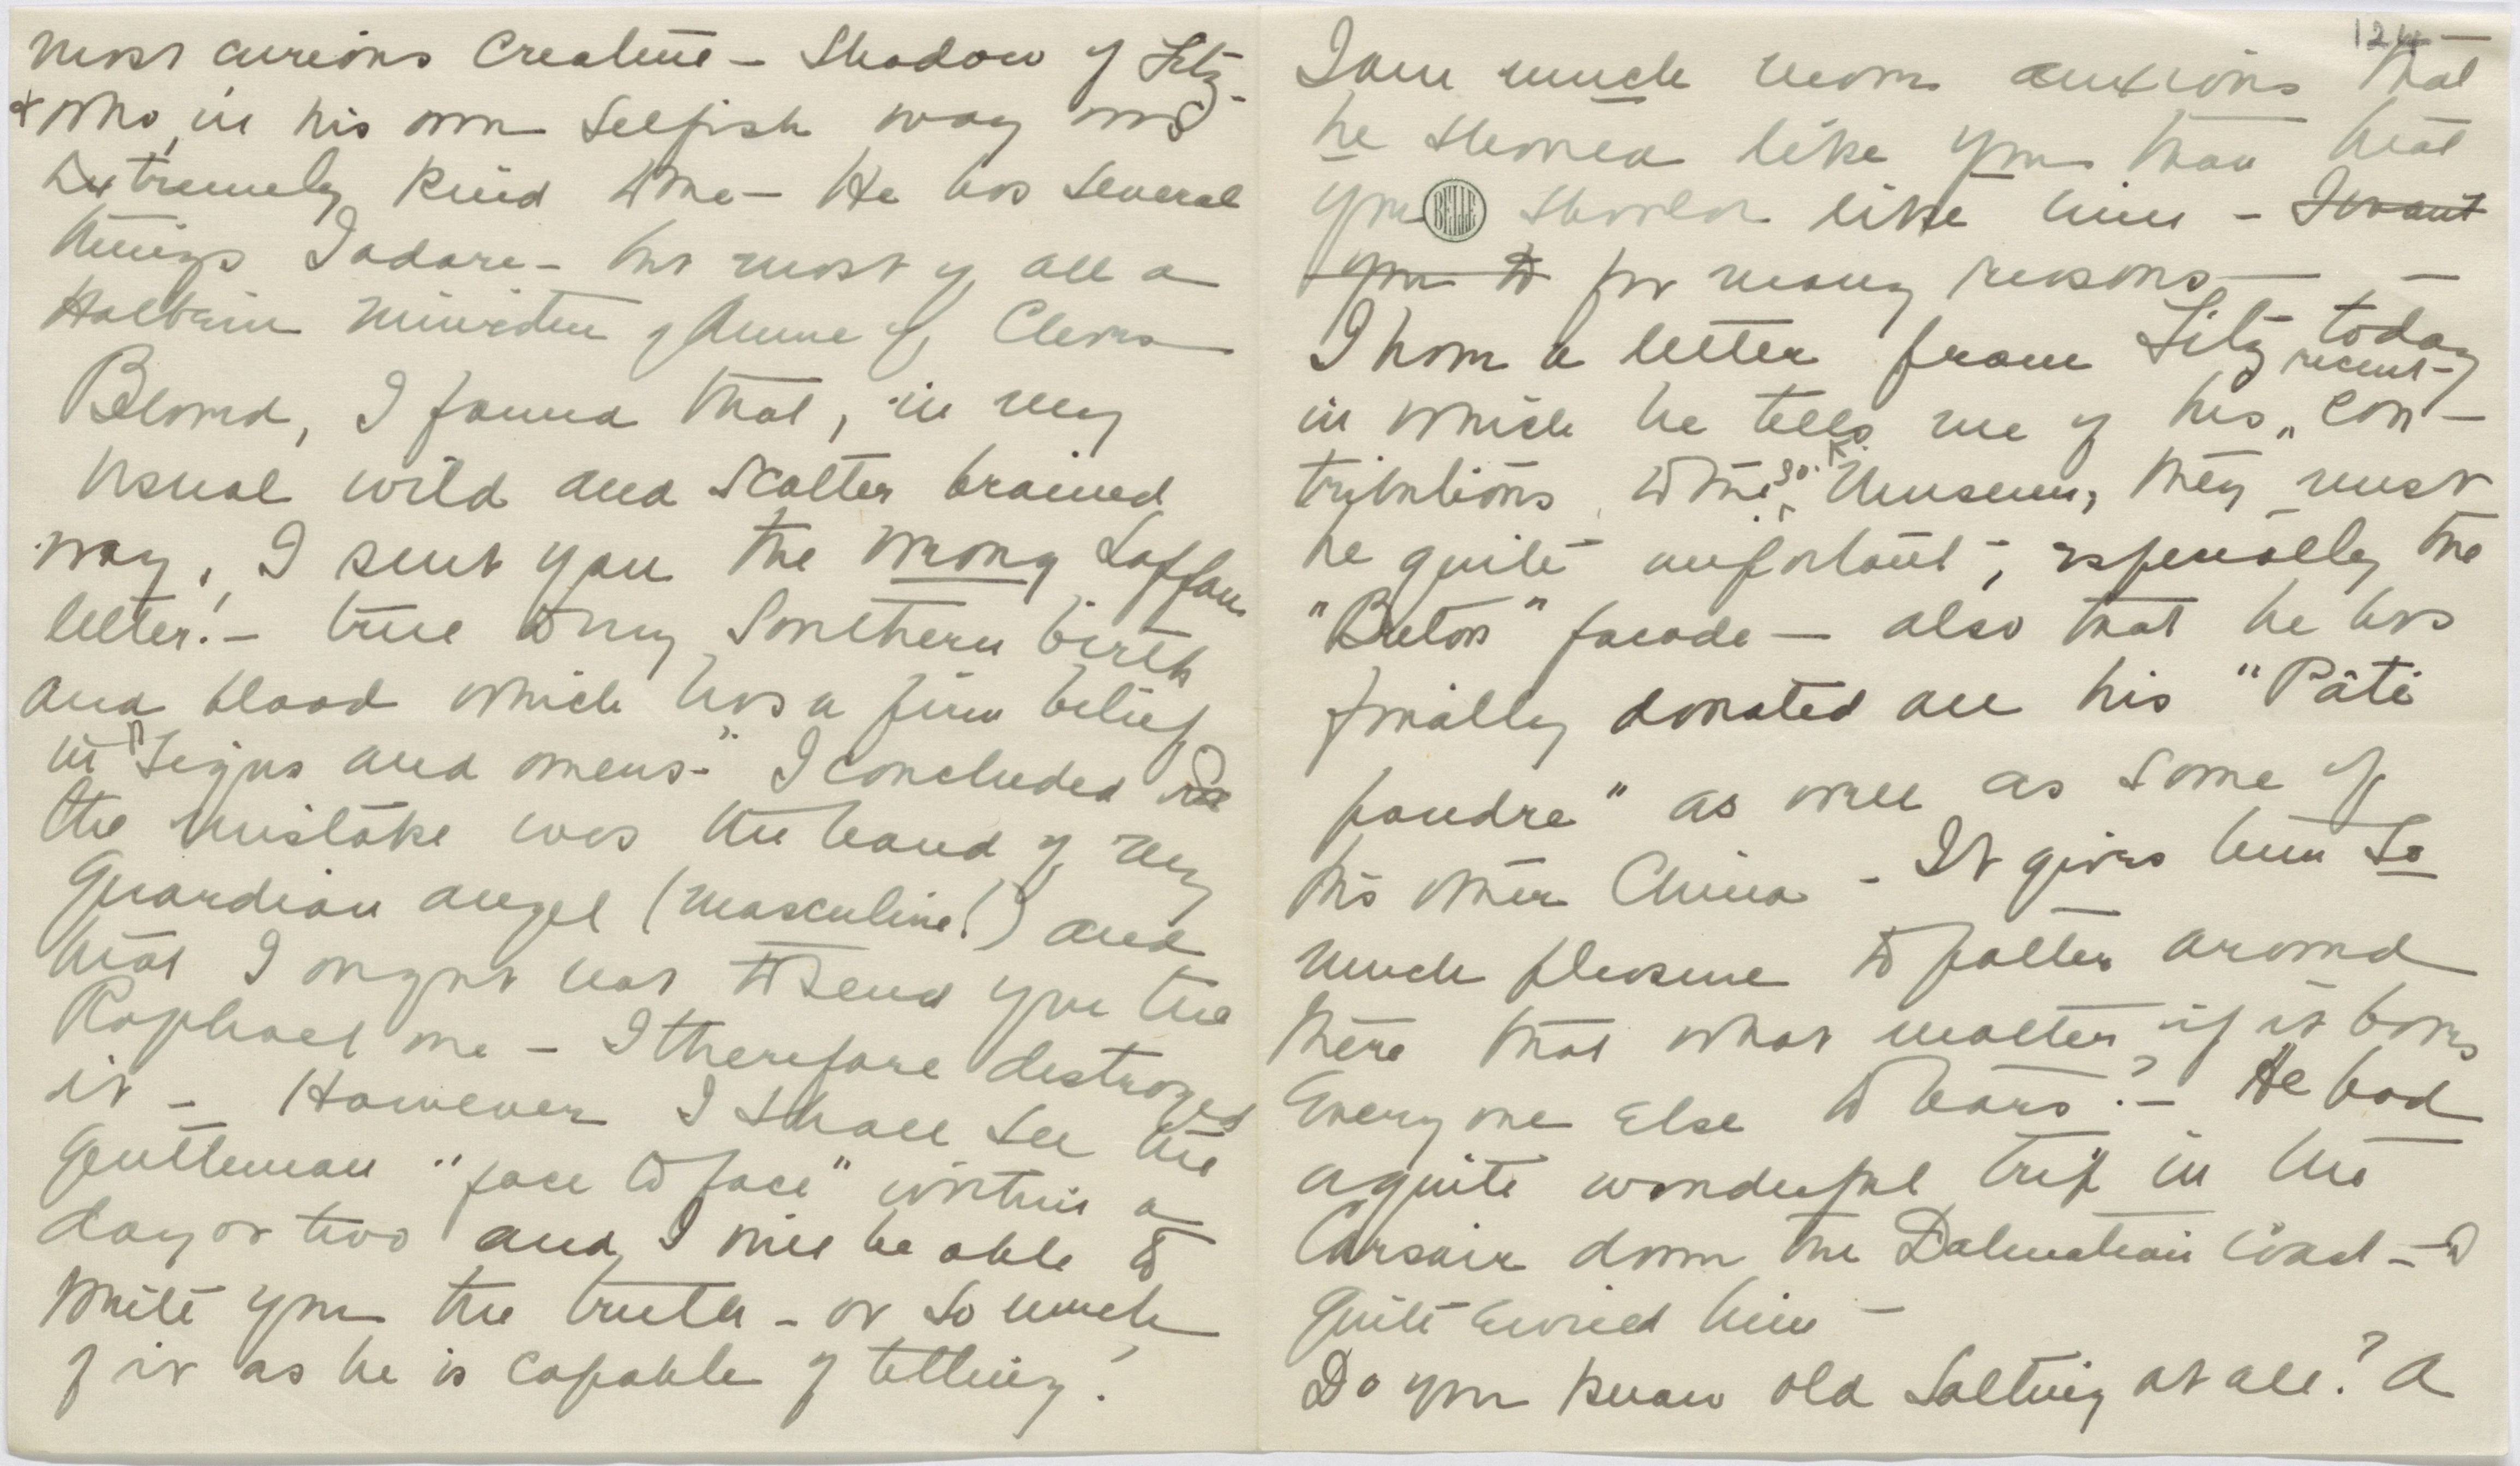I am much more anxious that he should like you than that you should like him – I want you to for many reasons – –
I have a letter from Fitz today in which he tells me of his ^recent^ contributions to the ˆSo. K.ˆ Museum, they must be quite important, especially the “Breton” facade – also that he has finally donated all his “Pâté poudre” as well as some of his other China – It gives him so much pleasure to patter around there that what matter if it bores every one else to tears? – He had a quite wonderful trip in the Corsair down the Dalmatian coast – I quite envied him –
Do you know old Salting at all? A
most curious creature – shadow of Fitz – & who in his own selfish way was extremely kind to me – He has several things I adore – but most of all a Holbein miniature of Anne of Cleves
Beloved, I found that, in my usual wild and scatter brained way, I sent you the wrong Laffan letter! – true to my southern birth and blood which has a firm belief in “signs and omens –” I concluded in the mistake was the hand of my Guardian angel (masculine!) and that I ought not to send you the Raphael one – I therefore destroyed it – However I shall see the gentleman “face to face” within a day or two and I will be able to write you the truth – or so much of it as he is capable of telling!